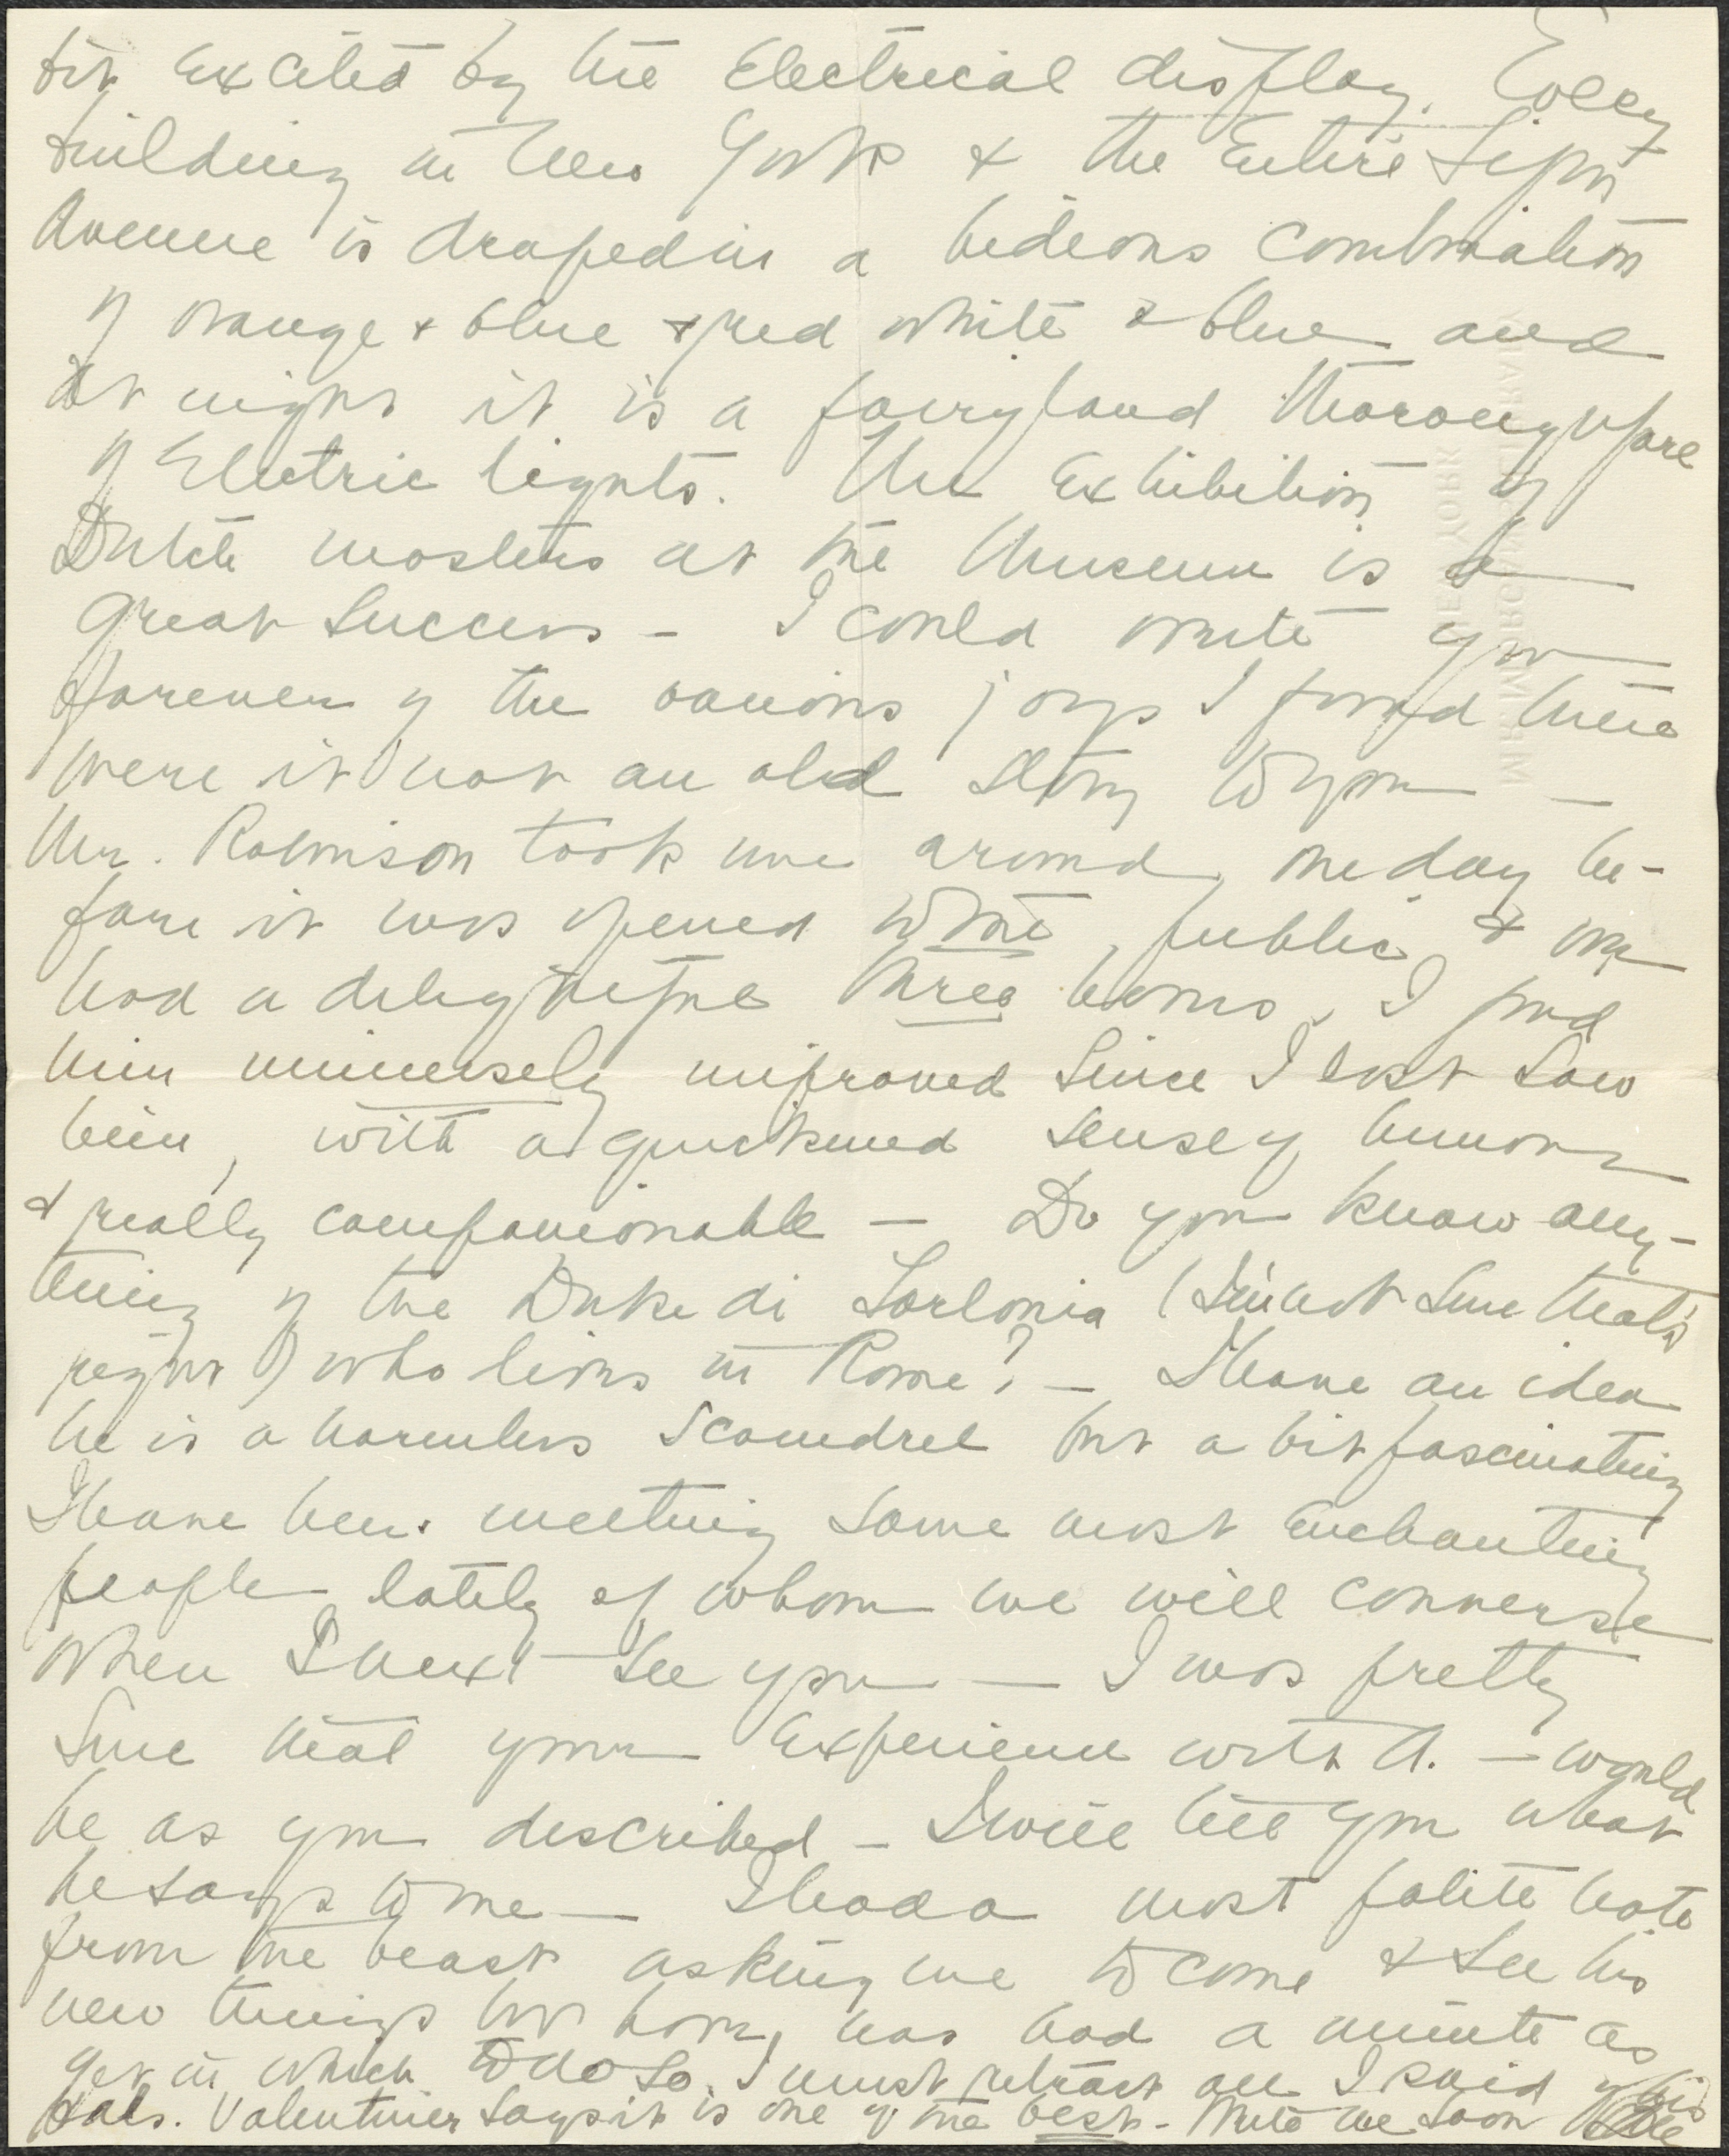bit excited by the electrical display. Every building in New York & the entire Fifth Avenue is draped in a hideous combination of orange & blue & red white & blue and at night it is a fairyland thoroughfare of Electric lights. The exhibition of Dutch masters at the Museum is a great success – I could write you forever of the various joys I found there were it not an old story to you – Mr. Robinson took me around one day before it was opened to the public & we had a delightful three hours, I find him universally improved since I last saw him, with a quickened sense of humour & really companionable – Do you know anything of the Duke di Torlonia (I’m not sure that’s right) who lives in Rome? – I have an idea he is a harmless scoundrel but a bit fascinating
I have been meeting some most enchanting people lately of whom we will converse when I next see you – I was pretty sure that your experience with A. – would be as you described – I will tell you what he says to me – I had a most polite note from the beast asking me to come & see his new things but have not had a minute as yet in which to do so. I must retract all I said of his Hals. Valentiner says it is one of the [double-underlined: best]. Write me soon Belle